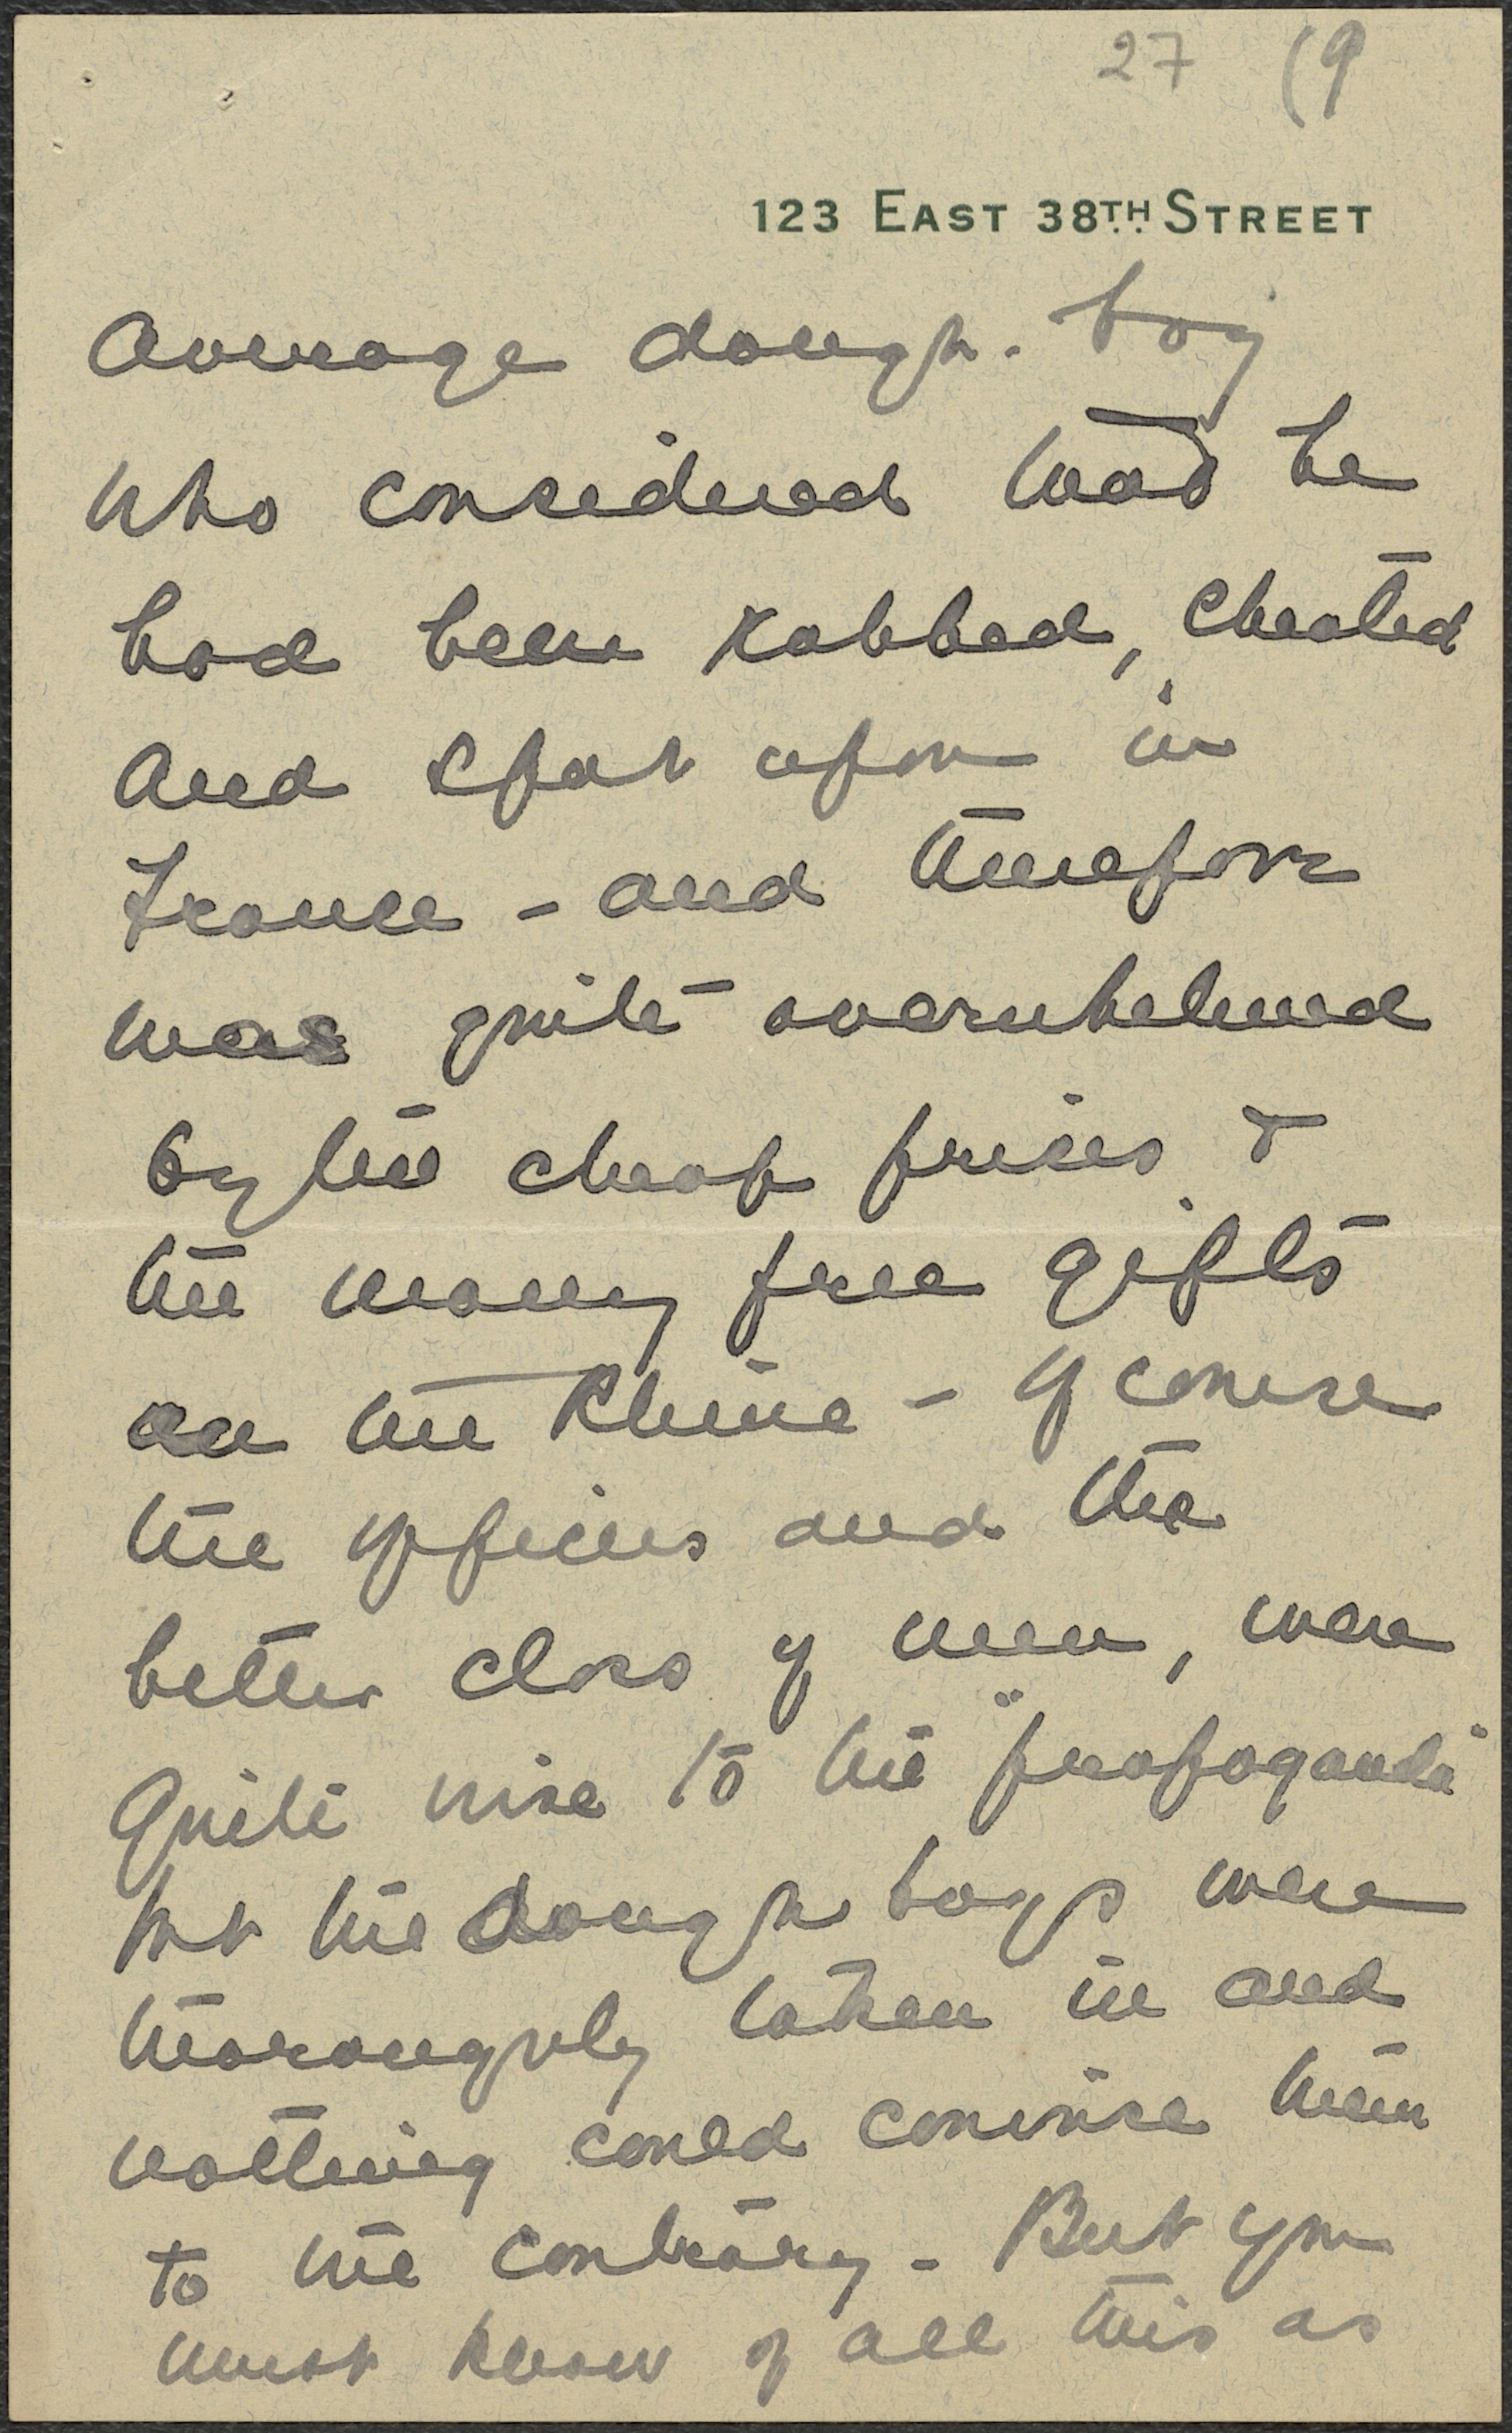average dough-boy who considered that he had been robbed, cheated and spat upon in France – and therefore were quite overwhelmed by the cheap prices & the many free gifts on the Rhine – of course the officers and the better class of men, were quite wise to the "propaganda" but the dough boys were thoroughly taken in and nothing could convince them to the contrary – But you must know of all this as